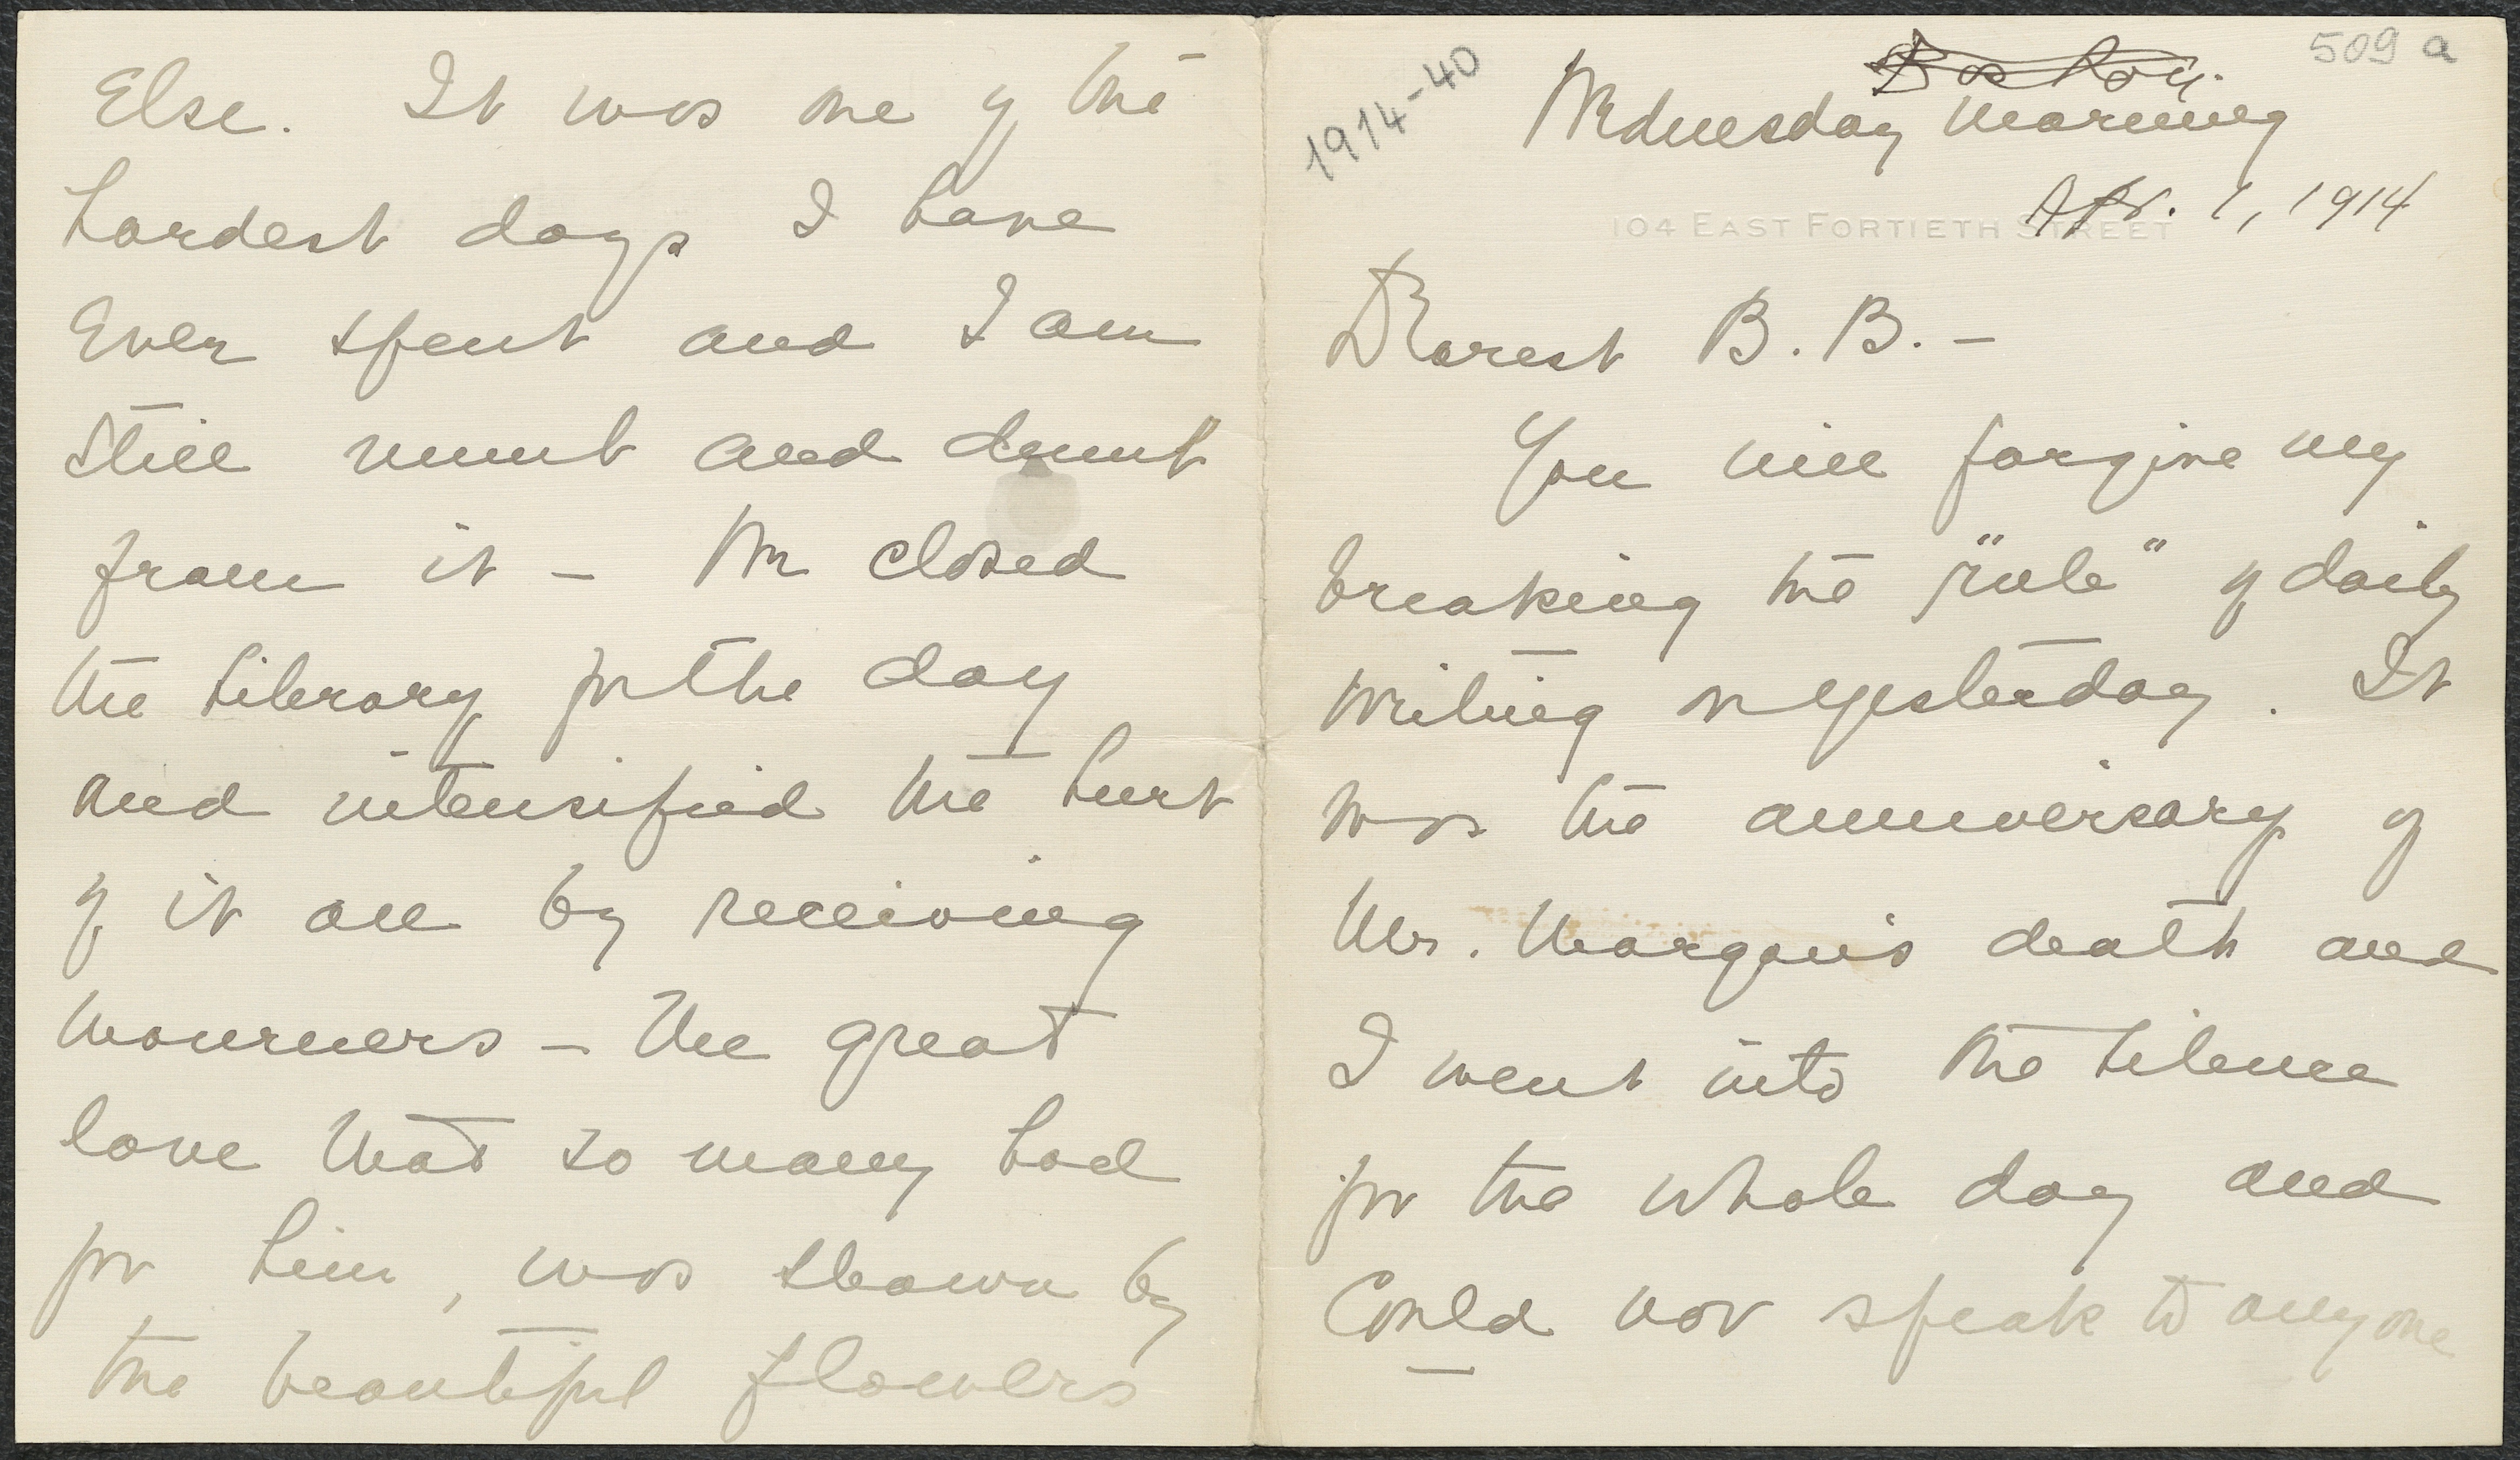Wednesday morning
Dearest B.B. –
You will forgive my breaking the “rule” of daily writing — yesterday. It was the anniversary of Mr. Morgan’s death and I went into the silence for the whole day and could not speak to anyone
else. It was one of the hardest days I have ever spent and I am still numb and dumb from it – We closed the Library for the day and intensified the hurt of it all by receiving mourners – The great love that so many had for him, was shown by the beautiful flowers